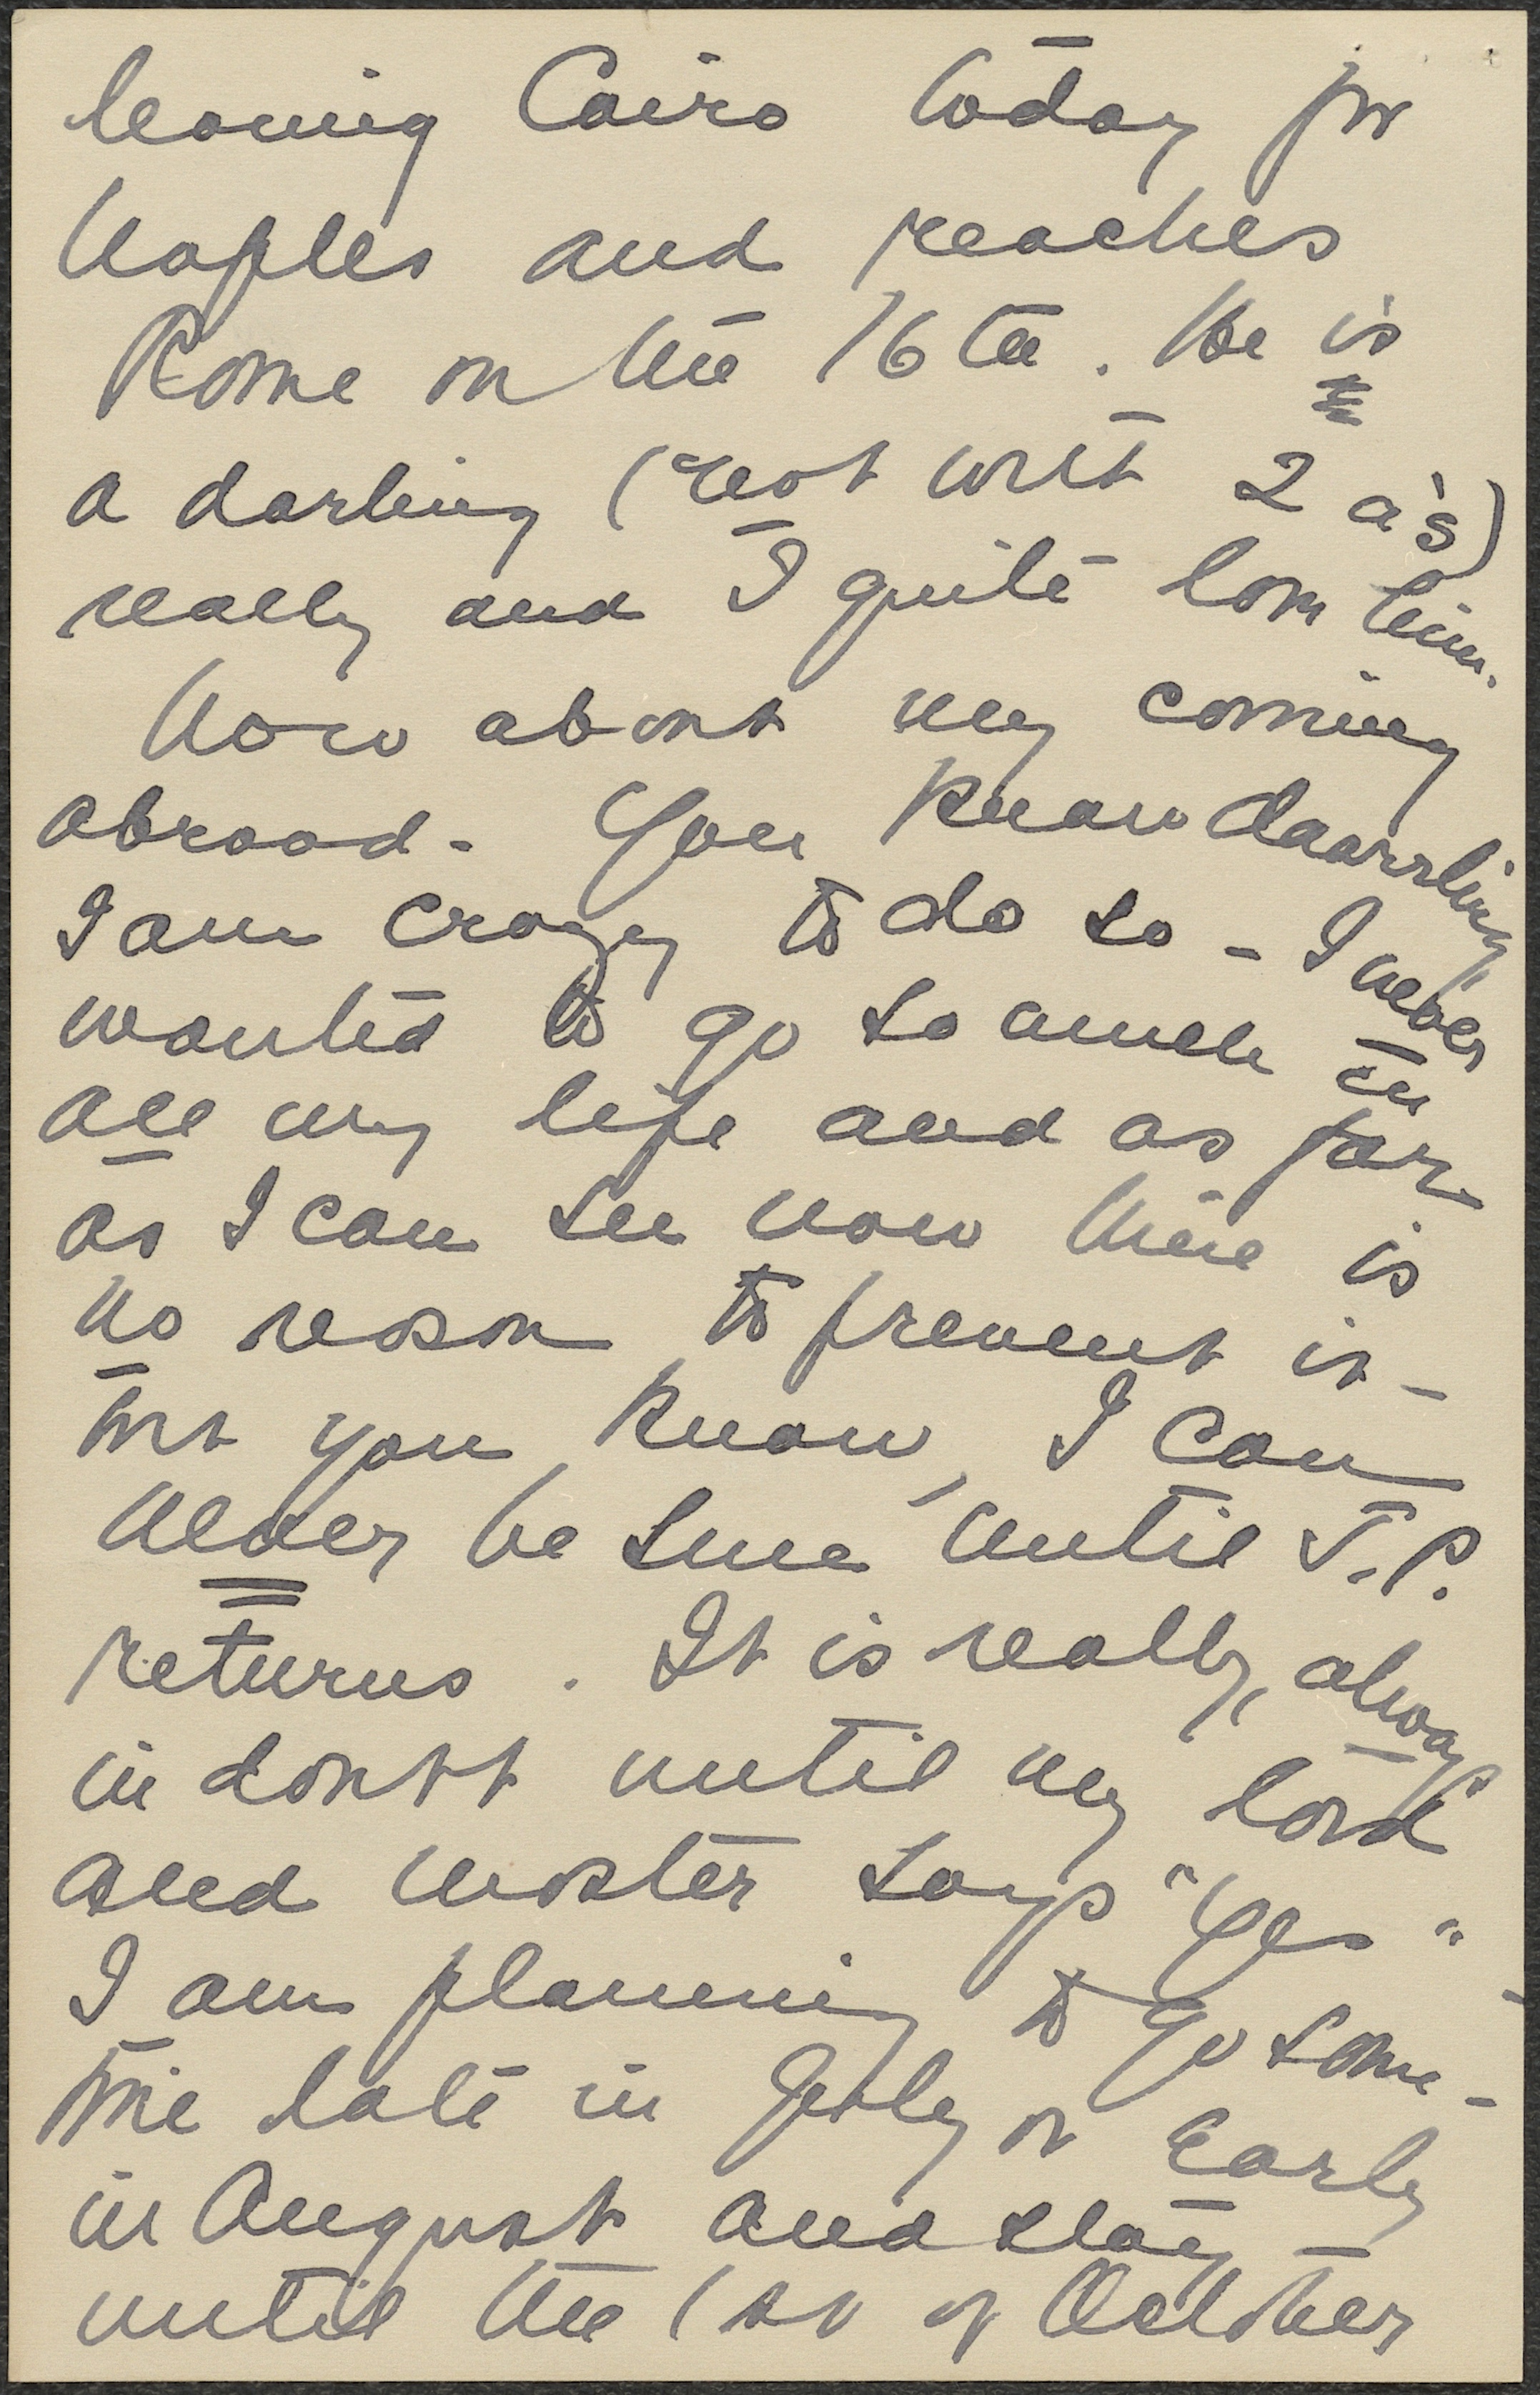leaving Cairo today for Naples and reaches Rome on the 16th. He is a darling (not with 2 a’s) really and I quite love him.
Now about my coming abroad. You know daarrling, I am crazy to do so – I never wanted to go so much in all my life and as far as I can see now there is no reason to prevent it – but you know, I can [double underlined: never] be sure until J. P. returns. It is really, always in doubt until my lord and master says “yes” – I am planning to go sometime late in July or early in August and stay until the 1st of October